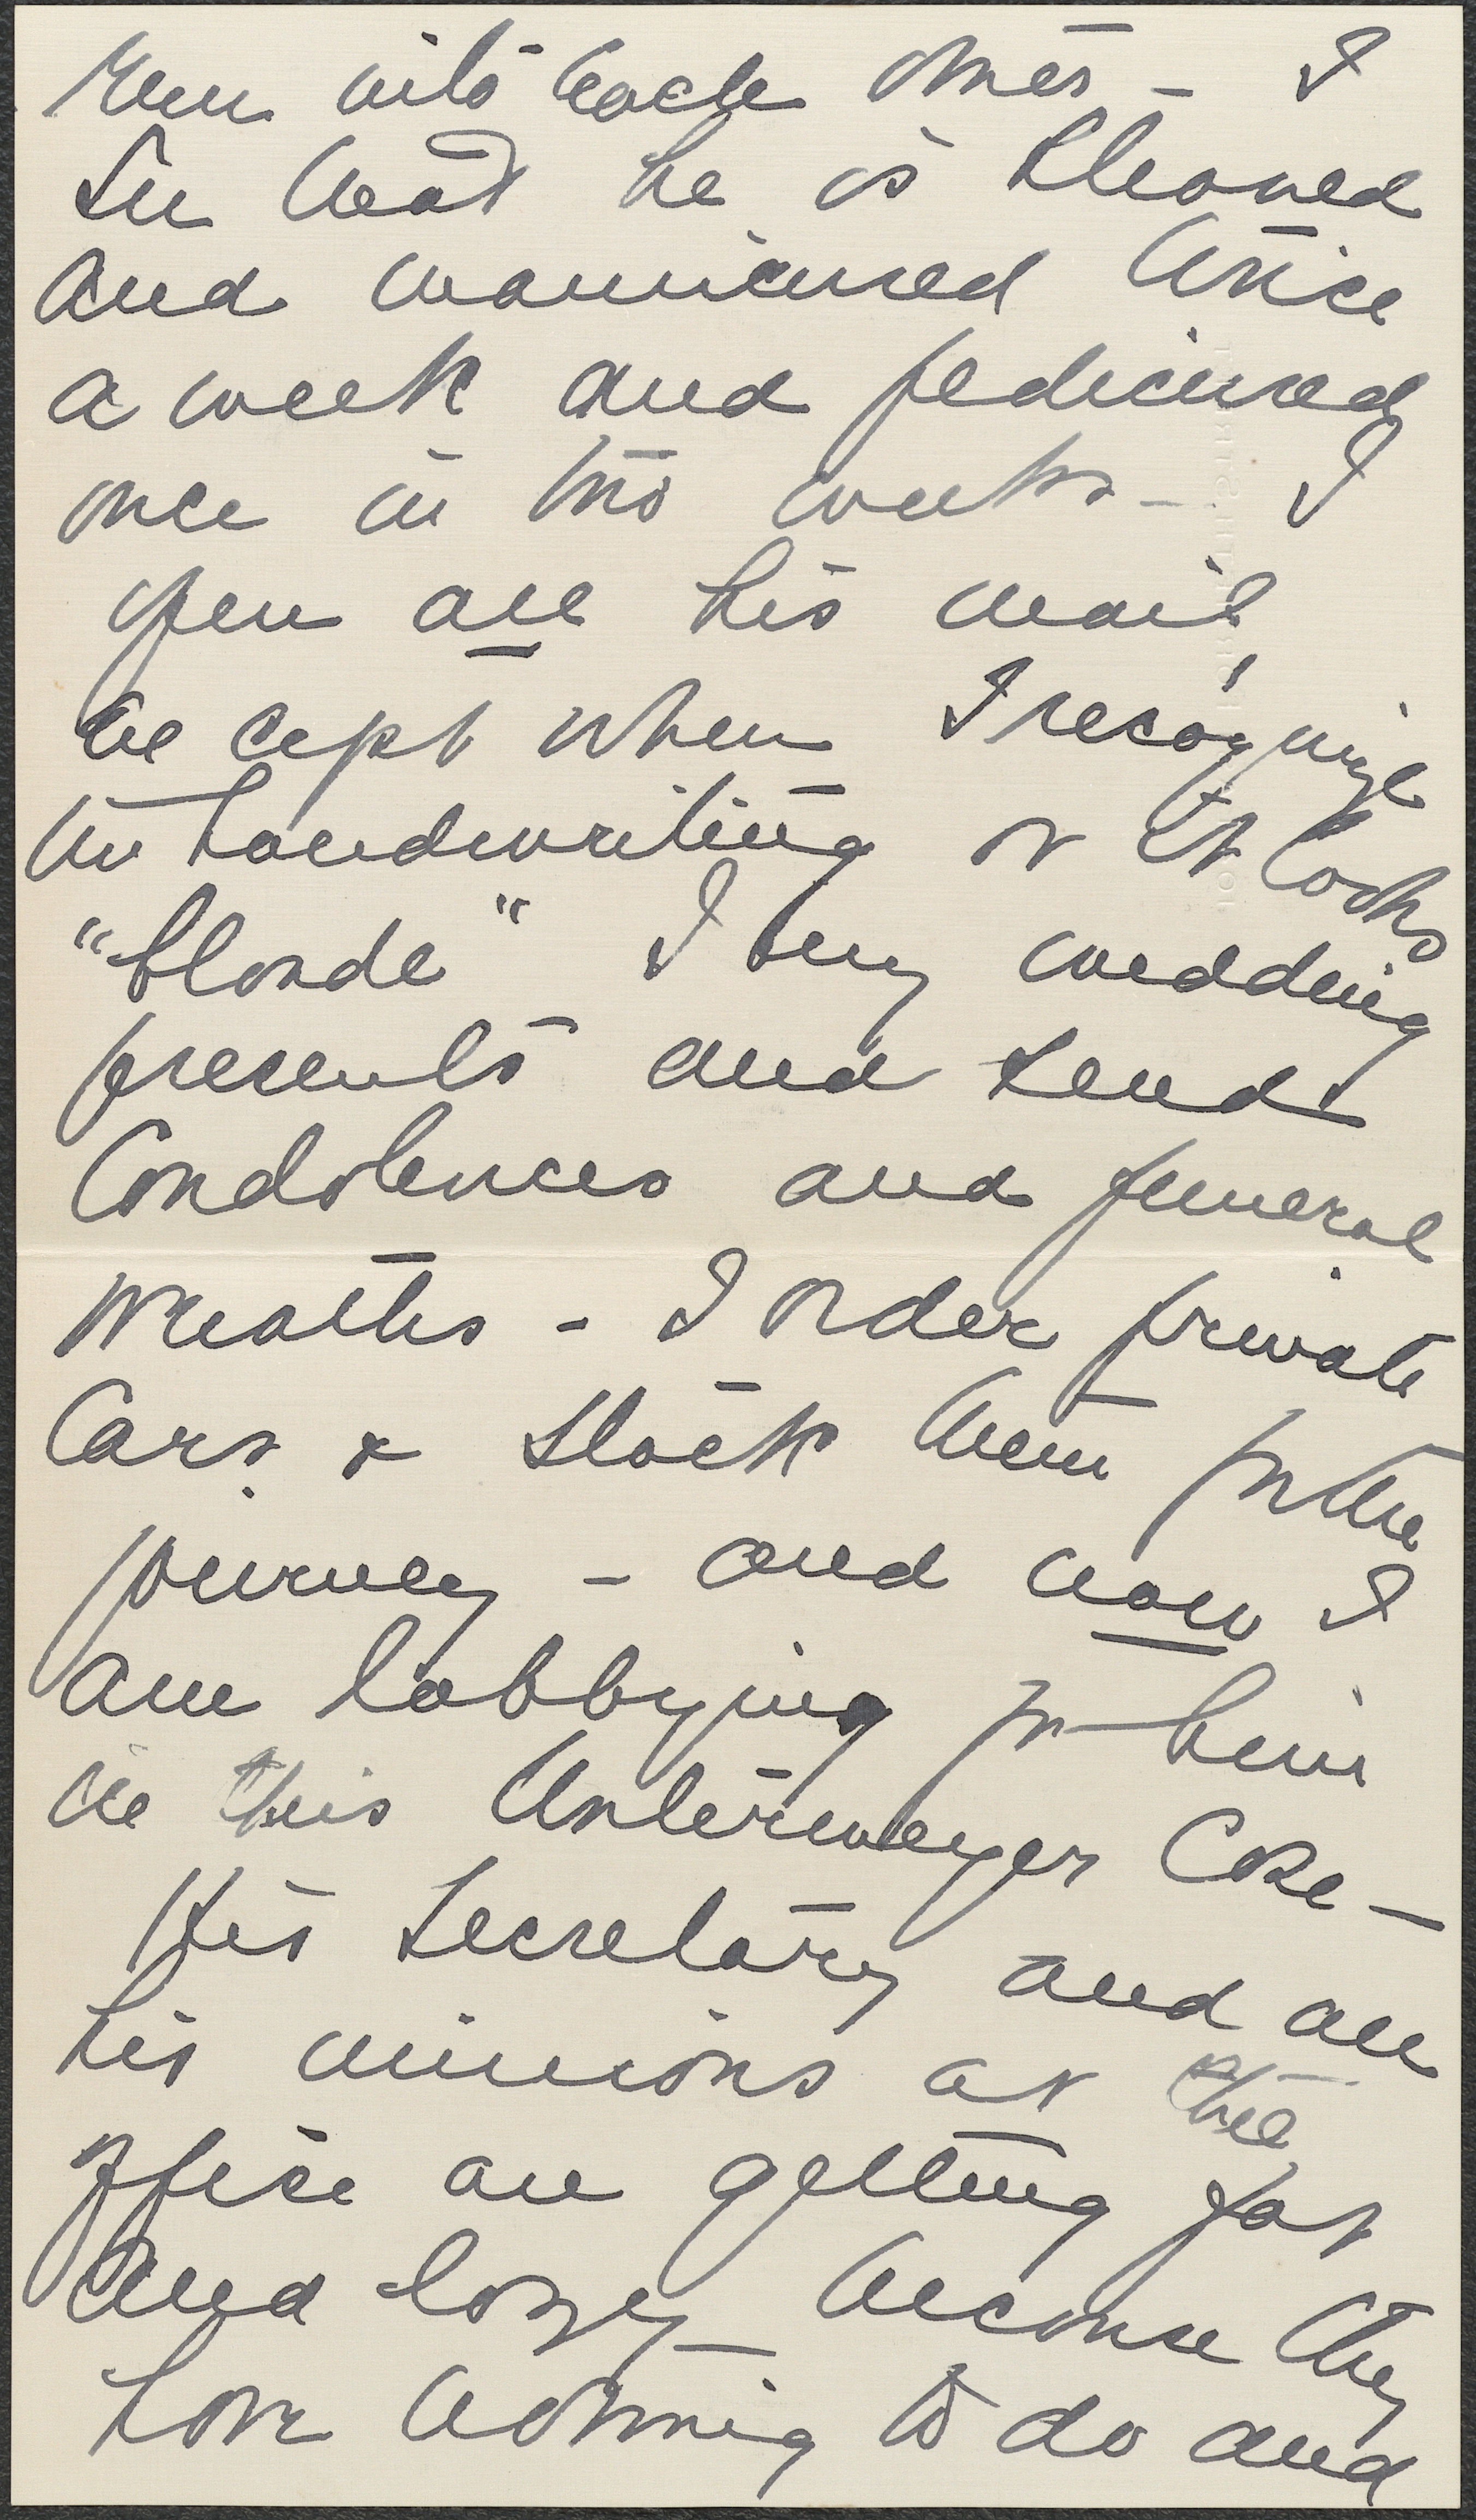run into each other – I see that he is shaved and manicured twice a week and pedicured once in two weeks – I open all his mail, except when I recognize the handwriting or it looks “blonde” I buy wedding presents and send condolences and funeral wreaths – I order private cars & stock them for the journey – and now I am lobbying for him in this Untermeyer [sic] case – His Secretary and all his minions at the office are getting fat and lazy because they have nothing to do and